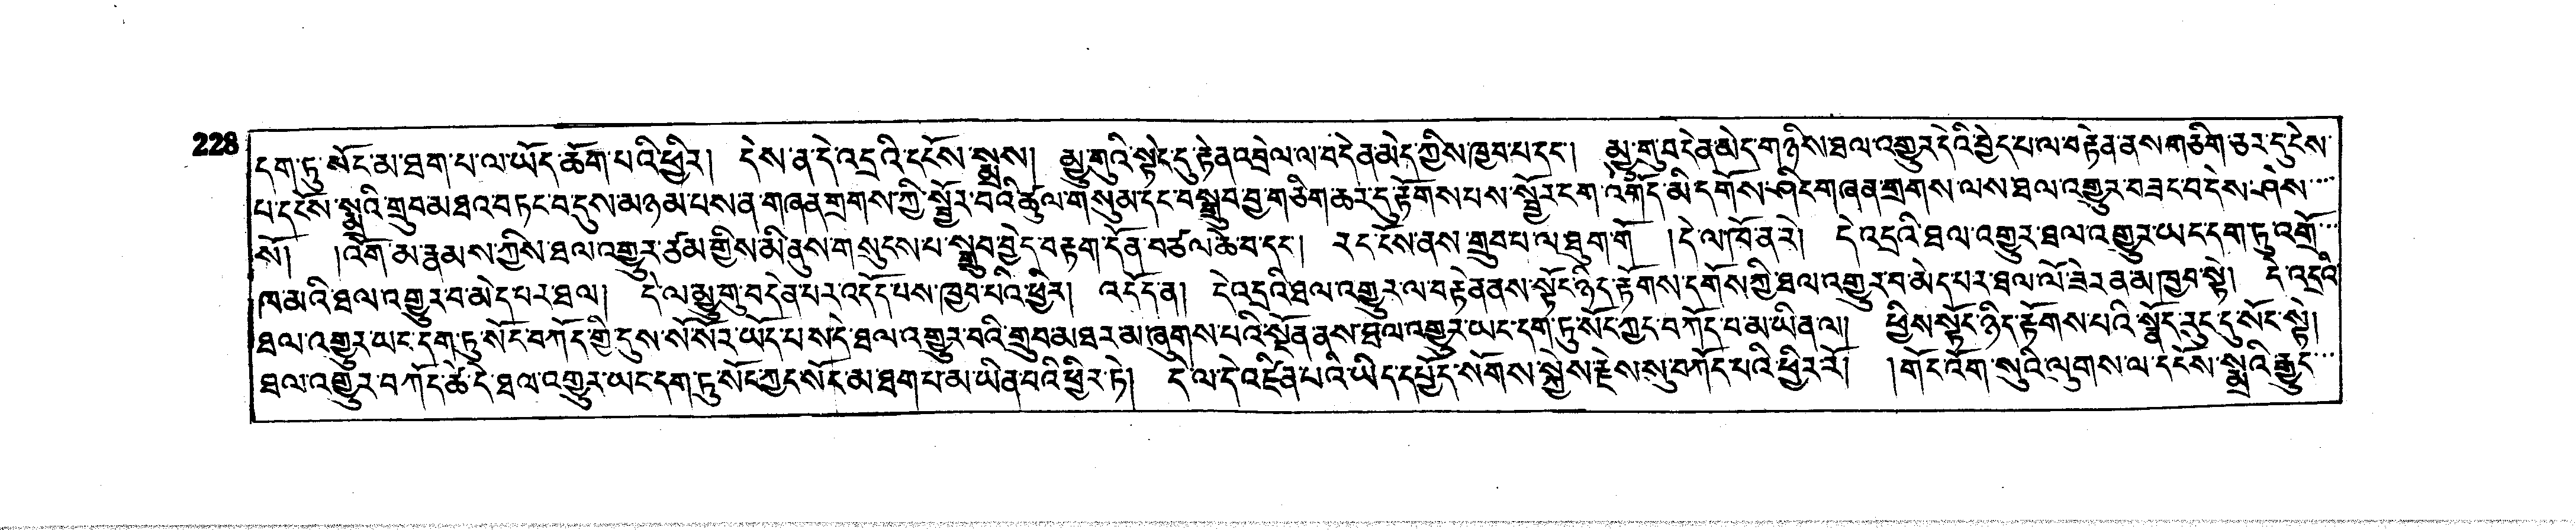དག་ཏུ་སོང་མ་ཐག་པ་ལ་ཡོད་ཆོག་པའི་ཕྱིར། དེས་ན་དེ་འདྲའི་དངོས་སྨྲས། མྱུ་གུའི་སྟེང་དུ་རྟེན་འབྲེལ་ལ་བདེན་མེད་ཀྱིས་ཁྱབ་པ་དང་། མྱུ་གུ་བདེན་མེད་གཉིས་ཐལ་འགྱུར་དེའི་བྱེད་པ་ལ་བརྟེན་ནས་གཅིག་ཅར་དུ་ངེས་
པ་དངོས་སྨྲའི་གྲུབ་མཐའ་བཏང་བ་དུས་མཉམ་པས་ན་གཞན་གྲགས་ཀྱི་སྦྱོར་བའི་ཚུལ་གསུམ་དང་བསྒྲུབ་བྱ་གཅིག་ཆར་དུ་རྟོགས་པས་སྦྱོར་ངག་འགོད་མི་དགོས་ཤིང་གཞན་གྲགས་ལས་ཐལ་འགྱུར་བཟང་བ་དེས་ཤེས་
སོ། །འོག་མ་རྣམས་ཀྱིས་ཐལ་འགྱུར་ཙམ་གྱིས་མི་ནུས་གསུངས་པ་སྒྲུབ་བྱེད་བརྟག་དོན་བཙལ་ཆེ་བ་དང་། རང་ངོས་ནས་གྲུབ་པ་ལ་ཐུག་གོ །དེ་ལ་ཁོ་ན་རེ། དེ་འདྲའི་ཐལ་འགྱུར་ཐལ་འགྱུར་ཡང་དག་ཏུ་འགྲོ་
ཁ་མའི་ཐལ་འགྱུར་བ་མེད་པར་ཐལ། དེ་ལ་མྱུ་གུ་བདེན་པར་འདོད་པས་ཁྱབ་པའི་ཕྱིར། འདོད་ན། དེ་འདྲའི་ཐལ་འགྱུར་ལ་བརྟེན་ནས་སྟོང་ཉིད་རྟོགས་དགོས་ཀྱི་ཐལ་འགྱུར་བ་མེད་པར་ཐལ་ལོ་ཟེར་ན་མ་ཁྱབ་སྟེ། དེ་འདྲའི་
ཐལ་འགྱུར་ཡང་དག་ཏུ་སོང་བཀོད་གྱི་དུས་སོ་སོར་ཡོད་པས་དེ་ཐལ་འགྱུར་བའི་གྲུབ་མཐར་མ་ཞུགས་པའི་སྔོན་ནས་ཐལ་འགྱུར་ཡང་དག་ཏུ་སོང་ཀྱང་བཀོད་པ་མ་ཡིན་ལ། ཕྱིས་སྟོང་ཉིད་རྟོགས་པའི་སྣོད་རུང་དུ་སོང་སྟེ།
ཐལ་འགྱུར་བཀོད་ཚེ་དེ་ཐལ་འགྱུར་ཡང་དག་ཏུ་སོང་ཀྱང་སོང་མ་ཐག་པ་མ་ཡིན་པའི་ཕྱིར་ཏེ། དེ་ལ་དེ་འཛིན་པའི་ཡིད་དཔྱོད་སོགས་སྐྱེས་རྗེས་སུ་བཀོད་པའི་ཕྱིར་རོ། །གོང་འོག་སུའི་ལུགས་ལ་དངོས་སྨྲའི་རྒྱུད་